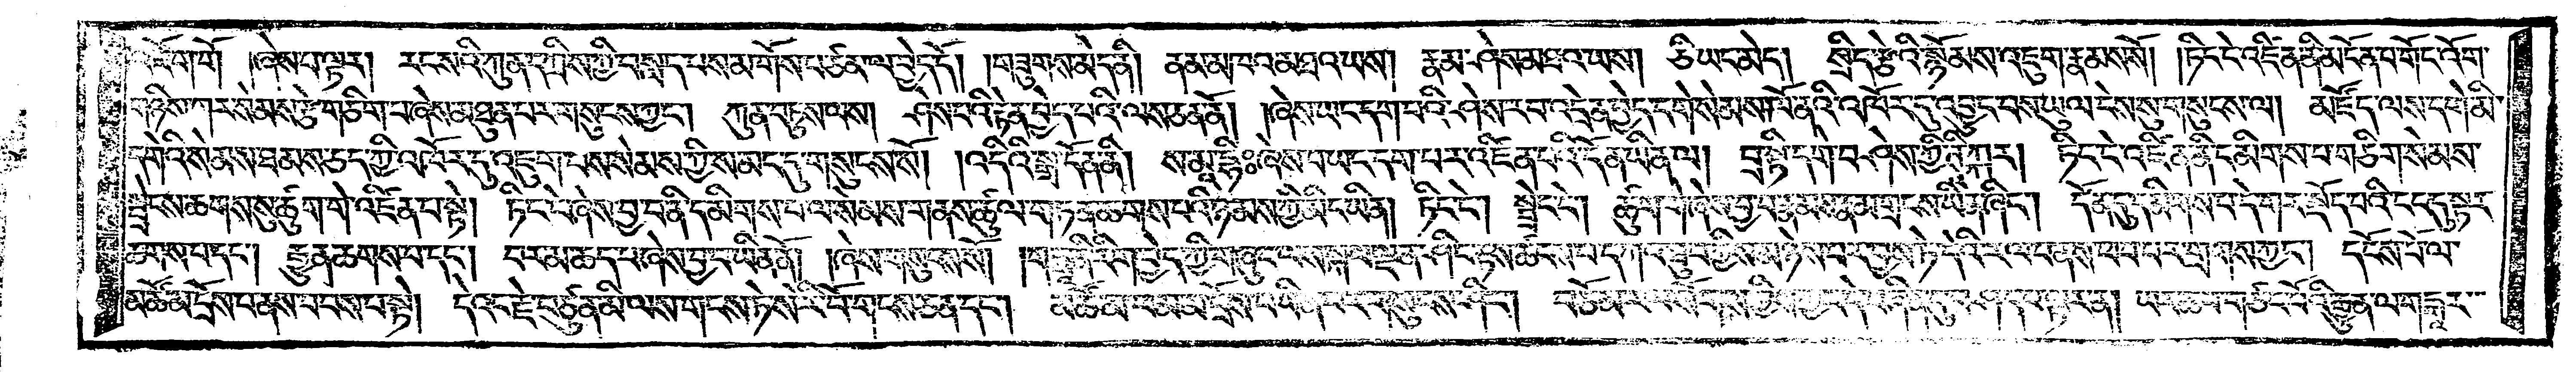ཀྱིས་མི་ལང་བ་རང་གིས་ཉམས་སུ་བླངས་ནས་གོམས་པར་བྱས་ཤིང་། གཞན་དག་ཀྱང་ཚུལ་དེ་ལ་འགོད་པར་མཛད་བ་དེའི་བདེན་པའི་སྟོབས་ཀྱིས་ཁམས་གསུམ་གྱི་ཉོན་མོངས་མངོན་གྱུར་དང་ས་བོན་ཅི་རིགས་པར་སྤོང་བའི་གཉེན་པོ་ལྷག་པའི་ཏིང་ངེ་
འཛིན་དང་། དེ་བརྗོད་བྱར་བྱེད་པ་མདོ་སྡེའི་སྡེ་སྣོད་ལ་སོགས་པ་ལུང་རྟོགས་ཀྱི་བསྟན་པ་འཕེལ་ཞིང་རྒྱས་པར་སྨོན་པའོ། །དེའང་བསམ་གཏན་གྱི་སྒྲ་དོན། བོད་སྔ་མ་ཁ་ཅིག་བསམ་པ་བརྟན་པར་བྱེད་པས་བསམ་གཏན་ཞེས་ཟེར་བ་ནི། ཡི་གེའི་དོན་ལའང་
མ་ཞུགས་པར་རྗེ་བདག་ཉིད་ཆེན་པོས་གསུངས་པ་བཞིན་རྟོགས་སླ་ལ། རིན་ཆེན་དོན་གྲུབ་ཀྱི་ཊཱིཀྐར་བསམ་པ་ནི་དམིགས་པ་ཡིད་ལ་བྱེད་ཅིང་གཏོད་པའི་སེམས་དང་། གཏན་ཞེས་པ་རྒྱུན་ལ་འཇུག་པས། སེམས་དམིགས་པ་ལ་གཏད་པའི་རྒྱུན་དེ་ཉིད་
ལས་མི་གཡེལ་བའོ། །ཞེས་འབྱུང་བའང་དཔྱད་པར་བྱ་བའི་གནས་ཏེ། འདིའི་སྐད་དོད་དྷྱཱ་ནི་ཞེས་པ་ངེས་ཚིག་དང་བྱིངས་སྒྲུབ་ཀྱི་བཤད་ཚུལ་གཉིས་ཡོད་པས། སྔ་མ་ལྟར་ན། དྷ་ལ་ར་བསྣན་པས་དྷཱ་ར་འཛིན་པ་དང་། ནལ་མགོང་དུ་བསྣན་
བས་མཱ་ན་ཡིད་ལ་འཇུག་པས། ཡིད་འཛིན་པས་ནི་བསམ་གཏན་ཞེས་བཤད་དགོས་ཏེ། བློ་གྲོས་བརྟན་པའི་རྒྱན་གྱི་འགྲེལ་བཤད་ལས། བསམ་གཏན་གྱི་སྒྲ་རྒྱ་གར་སྐད་དུ་དྷྱཱན་ཞེས་འབྱུང་སྟེ། དྷ་ལ་ཡ་བཏགས་ཡོད་པ་རའི་དོན་དུ་དྲངས་ན་འཛིན་
པའི་དོན་དུ་འགྲོ་སྟེ། སེམས་ཕྱི་རོལ་ཏུ་གཡེང་བ་ནང་དུ་འཛིན་པར་བྱེད་པས་ན་བསམ་གཏན་ཞེས་བྱའོ། །ཞེས་རྒྱན་རྩ་འགྲེལ་གྱི་སྐབས་སུ་ངེས་ཚིག་གི་བཤད་པ་གཙོ་བོར་མཛད་དོ། །བྱིངས་སྒྲུབ་ཀྱི་དབང་དུ་མཛད་ན་བྱིངས་མདོར། དྷྱཻ་སེམས་བ་